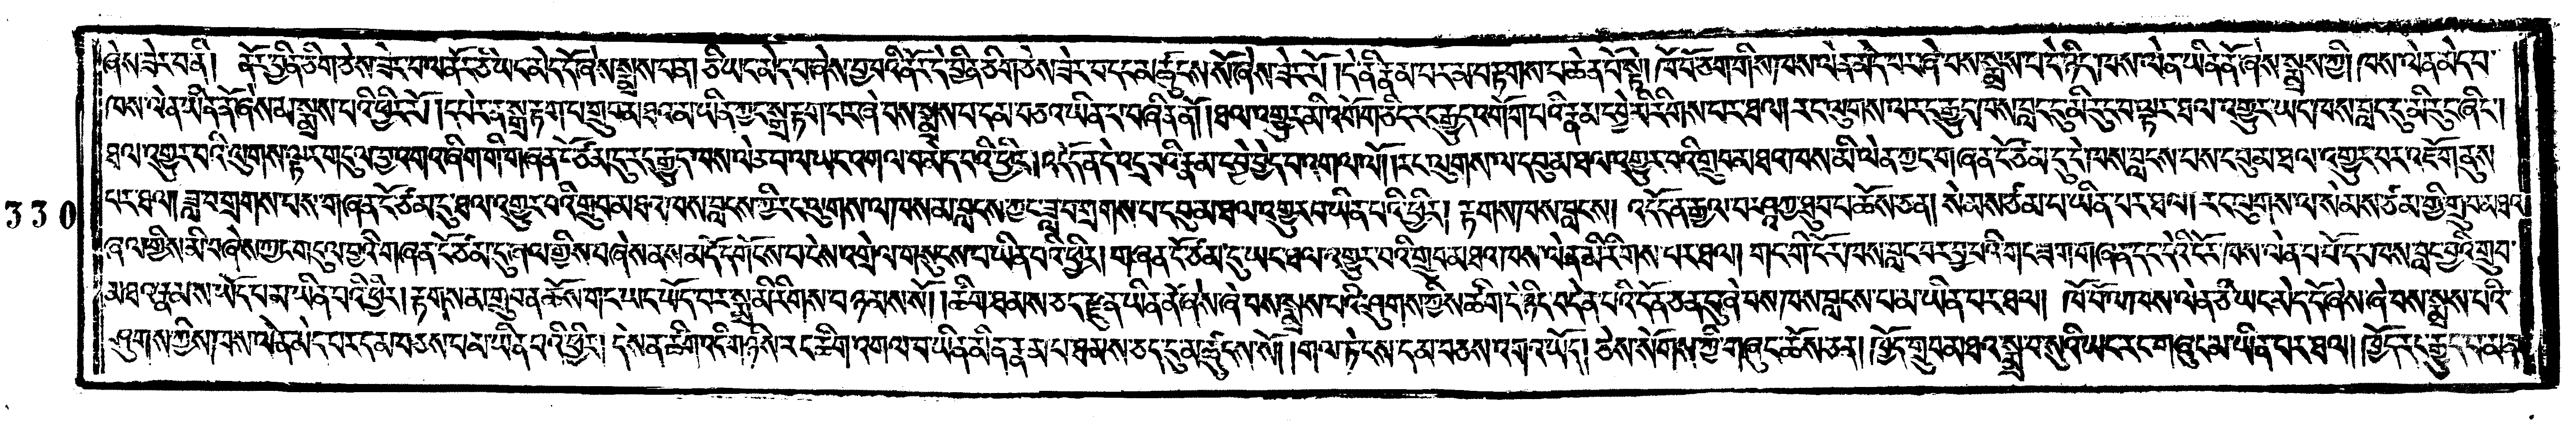ཞེས་ཟེར་བ་ནི། རོར་བྱིན་ཅིག་ཅེས་ཟེར་བ་ལ་ནོར་ཅི་ཡང་མེད་དོ་ཞེས་སྨྲས་པ་ན། ཅི་ཡང་མེད་པ་ཞེས་བྱ་བའི་ནོར་དེ་བྱིན་ཅིག་ཅེས་ཟེར་བ་དང་མཚུངས་སོ་ཞེས་ཟེར་རོ། །དེ་ནི་རྣམ་པར་མ་བརྟགས་པ་ཆེན་པོ་སྟེ། ཁོ་བོ་ཅག་གིས་ཁས་ལེན་མེད་པར་ཞེ་བས་སྨྲས་པ་དེ་ཉིད་ཁས་ལེན་ཡིན་ནོ་ཞེས་སྨྲས་ཀྱི། ཁས་ལེན་མེད་པ་
ཁས་ལེན་ཡིན་ནོ་ཞེས་མ་སྨྲས་པའི་ཕྱིར་རོ། །དཔེར་ན་སྒྲ་རྟག་པ་གྲུབ་མཐའ་མ་ཡིན་ཀྱང་སྒྲ་རྟག་པར་ཞེ་བས་སྨྲས་པ་དམ་བཅའ་ཡིན་པ་བཞིན་ནོ། །ཐལ་འགྱུར་མི་འགོག་ཅིང་རང་རྒྱུད་འགོག་པའི་རྣམ་དབྱེ་མི་རིགས་པར་ཐལ། རང་ལུགས་ལ་རང་རྒྱུད་ཁས་བླང་དུ་མི་རུང་བ་ལྟར་ཐལ་འགྱུར་ཡང་ཁས་བླང་དུ་མི་རུང་ཞིང་།
ཐལ་འགྱུར་བའི་ལུགས་ལྟར་གདུལ་བྱ་འགའ་ཞིག་གི་གཞན་ངོ་ཙམ་དུ་རང་རྒྱུད་ལས་ལེན་པ་ལ་ཡང་འགལ་བ་མེད་པའི་ཕྱིར། འདོད་ན་དེ་འདྲ་བའི་རྣམ་དབྱེ་བྱེད་པ་འགལ་ལོ། །རང་ལུགས་ལ་དབུ་མ་ཐལ་འགྱུར་བའི་གྲུབ་མཐའ་ཁས་མི་ལེན་ཀྱང་གཞན་ངོ་ཙམ་དུ་དེ་ཁས་བླངས་པས་དབུ་མ་ཐལ་འགྱུར་བར་འཇོག་ནུས་
པར་ཐལ། ཟླ་བ་གྲགས་པས་གཞན་ངོ་ཙམ་དུ་ཐལ་འགྱུར་བའི་གྲུབ་མཐའ་ཁས་བླངས་ཀྱི་རང་ལུགས་ལ་ཁས་མ་བླངས་ཀྱང་ཟླ་བ་གྲགས་པ་དབུ་མ་ཐལ་འགྱུར་བ་ཡིན་པའི་ཕྱིར། རྟགས་ཁས་བླངས། འདོད་ན་རྒྱལ་བ་ཤཱཀྱ་ཐུབ་པ་ཆོས་ཅན། སེམས་ཙམ་པ་ཡིན་པར་ཐལ། རང་ལུགས་ལ་སེམས་ཙམ་གྱི་གྲུབ་མཐའ་
ཞལ་གྱིས་མི་བཞེས་ཀྱང་གདུལ་བྱའི་གཞན་ངོ་ཙམ་དུ་ཞལ་གྱིས་བཞེས་ནས་མདོ་དགོངས་པ་ངེས་འགྲེལ་གསུངས་པ་ཡིན་པའི་ཕྱིར། གཞན་ངོ་ཙམ་དུ་ཡང་ཐལ་འགྱུར་བའི་གྲུབ་མཐའ་ཁས་ལེན་མི་རིགས་པར་ཐལ། གང་གི་དོར་ཁས་བླང་བར་བྱ་བའི་གང་ཟག་གཞན་དང་དེའི་ངོར་ཁས་ལེན་པ་པོ་དང་ཁས་བླང་བྱའི་གྲུབ་
མཐའ་རྣམས་ཡོད་པ་མ་ཡིན་པའི་ཕྱིར། རྟགས་མ་གྲུབ་ན་ཆོས་གང་ཡང་ཡོད་པར་སྨྲ་མི་རིགས་པ་ཉམས་སོ། །ཚིག་ཐམས་ཅད་རྫུན་ཡིན་ནོ་ཞེས་ཞེ་བས་སྨྲས་པའི་ཤུགས་ཀྱིས་ཚིག་དེ་ཉིད་བདེན་པའི་དོན་ཅན་དུ་ཞེ་བས་ཁས་བླངས་པ་མ་ཡིན་པར་ཐལ། ཁོ་བོ་ལ་ཁས་ལེན་ཅི་ཡང་མེད་དོ་ཞེས་ཞེ་བས་སྨྲས་པའི་
ཤུགས་ཀྱིས་ཁས་ལེན་མེད་པར་དམ་བཅས་པ་མ་ཡིན་པའི་ཕྱིར། དེས་ན་ཚིག་འདི་གཉིས་རང་ཚིག་འགལ་བ་ཡིན་མིན་རྣམ་པ་ཐམས་ཅད་དུ་མཚུངས་སོ། །གལ་ཏེ་ངས་དམ་བཅས་འགའ་ཡོད། ཅེས་སོགས་ཀྱི་གཞུང་ཆོས་ཅན། ཁྱོད་གྲུབ་མཐའ་སྨྲ་བ་སུའི་ཡང་རང་གཞུང་མ་ཡིན་པར་ཐལ། ཁྱོད་རང་རྒྱུད་པ་མན་